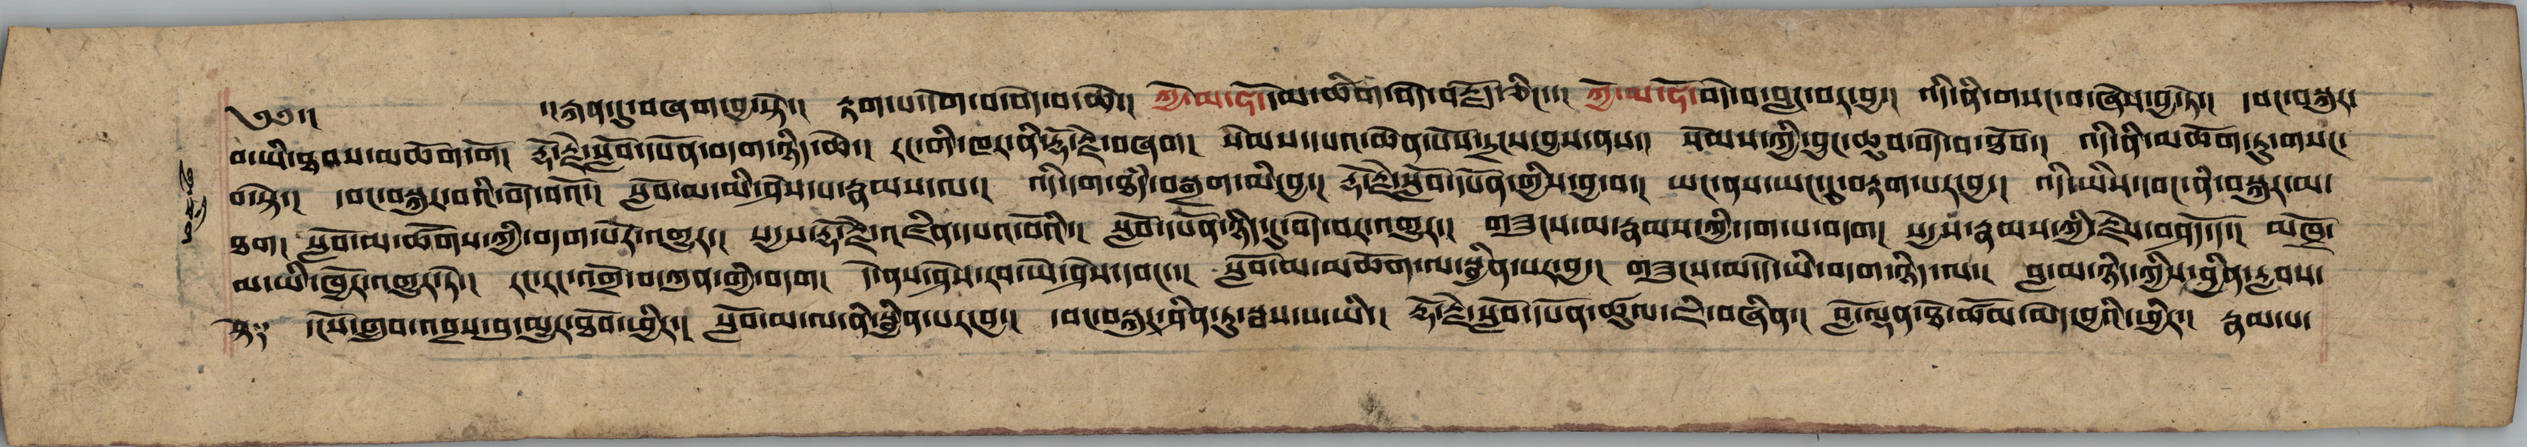༄༅་། ་།རྐན་དུ་བཞག་བྱ་སྟེ་། རྟག་པ་དོག་པ་བདེ་བ་ཆེ་། ཀྱེ་མ་ཧོ་དམ་ཚིག་བདེ་བརྗོད་ཅིང་་། ཀྱེ་མ་ཧོ་བདེ་བ་བླང་བར་བྱ་། འདི་ནི་གསང་བ་ཞེས་བྱ་ཏེ་། དབང་བསྐུར་
བ་ཡི་ཐབས་མཆོག་གོ། རྡོ་རྗེ་སློབ་དཔོན་བདག་ཉིད་ཆེ་། རང་གི་ཁར་ནི་རྡོ་རྗེ་བཞག། སེམས་དཔའ་ཆེན་པོས་དྲངས་བྱས་ནས་། སེམས་ཀྱི་བྱང་ཆུབ་བདེ་བ་ཐོབ་། འདི་ནི་མཆོག་ཏུ་གསང་
བ་སྟེ་། དབང་བསྐུར་བའི་བདེ་བའོ་། སློབ་མ་མི་ཤེས་པ་རྣམས་ལ་། འདི་དག་ཐཾད་བསྒྲག་མི་བྱ་། རྡོ་རྗེ་སློབ་དཔོན་གྱིས་བྱ་བ་། ཡང་ནས་ཡང་དུ་བརྟག་པར་བྱ་། འདི་ཡིས་དབང་ནི་བསྐུར་མ་
ཐག། སློབ་མ་ཚོགས་ཀྱི་བདག་པོར་འགྱུར་། སདྱས་རྡོ་རྗེ་འཛིན་དཔའ་བོའི་། སློབ་དཔོན་ཉིད་དུ་བདེ་བར་འགྱུར་། གཟུངས་མ་རྣམས་ཀྱི་དག་པ་བདག། སདྱས་རྣམས་ཀྱི་རྗེས་བཤད་དོ་། མཁྲོ་
མ་ཡི་ཁྱོར་འགྱུར་ཏེ་། རང་རང་འགྲོ་བ་ཀུན་གྱི་བདག། དེ་ནས་ཤེས་རབ་ཡེ་ཤེས་དང་་། སློབ་མ་མཆོག་ལ་སྦྱིན་པར་བྱ་། གཟུངས་མ་དེ་ཡི་བདག་ཉིད་ལ་། བླ་མ་ཉིད་ཀྱིས་བྱིན་རླབས་
སྟེ༑ དངོས་གྲུབ་འབྲས་བུ་མྱུར་ཐོབ་ཕྱིར་། སློབ་མ་ལ་ནི་སྦྱིན་པར་བྱ་། དབང་བསྐུར་ཤིན་ཏུ་སྦས་པ་ཡི་། རྡོ་རྗེ་སློབ་དཔོན་ཚུལ་ཇི་བཞིན་། བློ་ལྡན་ཐེ་ཚོམ་མེད་བྱའི་ཕྱིར་། རྣམ་པ་